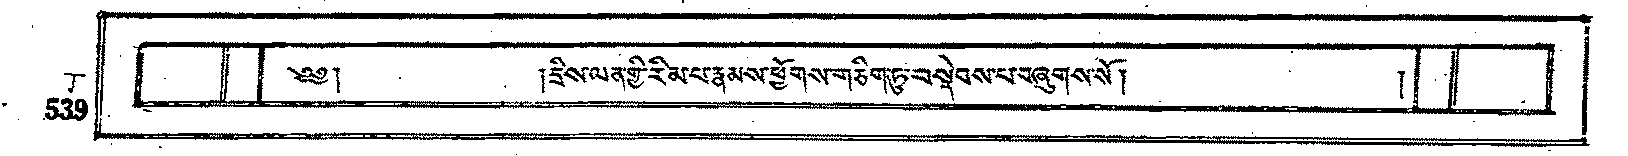༄༅། །དྲིས་ལན་གྱི་རིམ་པ་རྣམས་ཕྱོགས་གཅིག་ཏུ་བསྡེབས་པ་བཞུགས་སོ། །